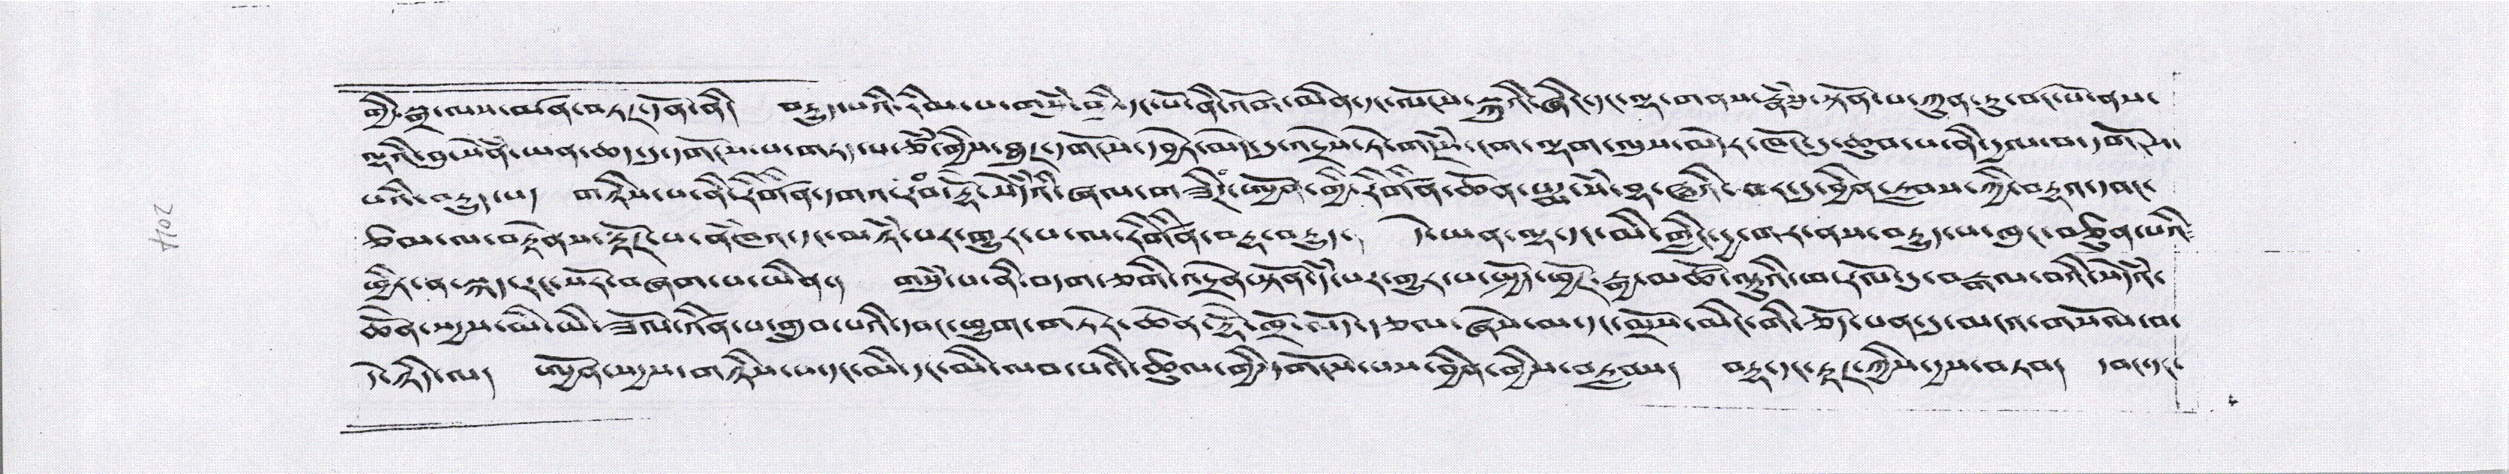གྱི་སྒྲ་ལས་མཚན་བཏགས་དོན་ནི། བརྒྱུད་པའི་རིམ་པ་གསུམ་གྱི་དང་པོ་ནི། འོག་མིན་དང་ལོངས་སྐུའི་ཞིང་ལྷ་གནས་རྣམས་སུ་སྟོན་པ་ཀུན་ཏུ་བཟང་པོ་ནས་
ལྷ་ཡི་བུ་སེམས་ཅན་ཡན་ཆད་དུ་དགོངས་པ་གཏད་པ་ཙམ་གྱིས་ཐུགས་དགོངས་དབྱེར་མེད་དུ་འདྲེས་ཏེ་གདམས་ངག་ལྷག་ལུས་མེད་པར་ཁོང་དུ་ཆུབ་པ་ནི། རྒྱལ་བ་དགོངས་
པའི་བརྒྱུད་པ། གཉིས་པ་ནི་རིག་འཛིན་དགའ་རབ་རྡོ་རྗེ་སེམས་དཔའི་ཞལ་གཟིགས་ཨོ་རྒྱན་གྱི་རིག་འཛིན་ཆེན་པོ་པདྨ་སཾ་བྷ་ཝའི་བར་དུ་བྱིན་རླབས་ཀྱི་བརྡ་དབང་
ཙམ་ལ་བརྟེན་ནས་རྟོགས་པ་ནམ་མཁའ་དང་མཉམ་པར་གྱུར་པ་ལ་རིག་འཛིན་བརྡ་བརྒྱུད། དེ་ཡན་ལྷ་དང་མི་གླིང་རྒྱ་གར་ནས་བརྒྱུད་པ་ཁུངས་བཙུན་པའི་
ཕྱིར་ན་སྐད་རང་སོར་བཞག་པ་ཡིན། གསུམ་པ་ནི་བདག་ཅག་གི་འདྲེན་སྟོན་དམ་པར་གྱུར་པ་སྤྱོད་ཕྱོགས་རྒྱ་མཚོ་ལྟ་བུའི་ཕ་རོལ་ཏུ་བརྒལ་བའི་སེམས་དཔའ་
ཆེན་པོ་སངས་རྒྱས་མི་ཡི་ཟོལ་འཛིན་པ་གྲུབ་པའི་དབང་ཕྱུག་གཏེར་ཆེན་རྡོ་རྗེ་གྲོ་ལོད་རྩལ་ཞེས་མ་དང་མཁའ་འགྲོས་མིང་གི་ཅོད་པཎ་གྱིས་མངའ་གསོལ་བ་
དེ་ཉིད་ལ། ཨོ་རྒྱན་སངས་རྒྱས་གཉིས་པ་དང་མི་དང་མི་ལབ་པའི་ཚུལ་གྱི་དགོངས་པས་བྱིན་གྱིས་བརླབས། བརྡ་དང་རྟགས་ཀྱིས་རྒྱས་བཏབ། དབང་དང་